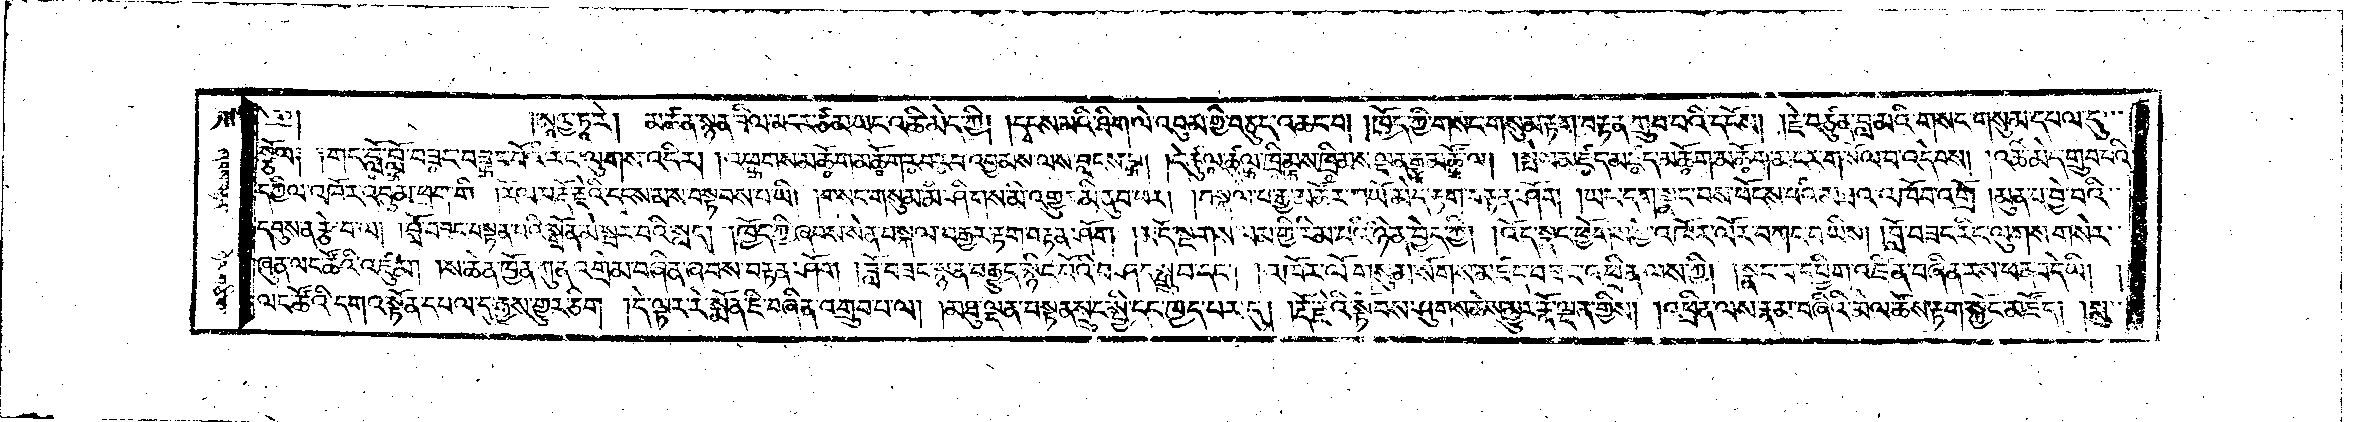༄༅། །ཨཱརྱ་ཏཱ་རེ། མཚན་སྙན་ཟིལ་མངར་ཙམ་ཡང་འཆི་མེད་ཀྱི། །དྭངས་མའི་ཐིག་ལེ་འབུམ་གྱི་བཅུད་འཆང་བ། །ཁྱོད་ཀྱི་གསང་གསུམ་རྟག་བརྟན་གྲུབ་པའི་དངོས། །རྗེ་བཙུན་བླ་མའི་གསང་གསུམ་དཔལ་དུ་
སྩོལ༑ ༑གང་བློ་བློ་བཟང་བཟང་པོའི་རིང་ལུགས་འདིར། །འཕགས་མཆོག་མཆོག་རབ་རབ་འབྱམས་ལས་བླངས་པ། །དེ་ཚུལ་ཚུལ་ཁྲིམས་ཁྲིམས་ལྡན་རྒྱ་མཚོ་ལ། །སྤེལ་མཛད་མཛད་མཆོག་མཆོག་མངར་གསོལ་བ་འདེབས། །འཆི་མེད་གྲུབ་པའི་
དཀྱིལ་འཁོར་འབུམ་ཕྲག་གི །རོལ་པ་རྡོ་རྗེའི་དྭངས་མས་བསྟབས་པ་ཡི། །གསང་གསུམ་མི་ཤིགས་མི་འགྱུར་མི་ནུབ་པར། །བསྐལ་པ་རྒྱ་མཚོར་གཡོ་མེད་རྟག་བརྟན་ཤོག །ཡང་དག་སྣང་བས་ཕོངས་པའི་མཐའ་འཁོབ་འགྲོ་།མུན་པ་བྱེ་བའི་
དབུས་ན་རྩེ་བ་ལ། །བློ་བཟང་བསྟན་པའི་སྒྲོན་མེ་སྦར་བའི་སླད། །ཁྱོད་ཀྱི་ཞབས་སེན་བསྐལ་བརྒྱར་རྟག་བརྟན་ཤོག །མདོ་སྔགས་ལམ་གྱི་རིམ་པའི་ཉིན་བྱེད་ཀྱི། །འོད་སྣང་ཕྱོགས་ཀྱི་འཁོར་ལོར་བཀང་པ་ཡིས། །བློ་བཟང་རིང་ལུགས་གསེར་
ཞུན་ལང་ཚོའི་འཛུམ། །ས་ཆེན་ཁྱོན་ཀུན་འགྲེམ་བཞིན་ཞབས་བརྟན་ཤོག །བློ་བཟང་སྙན་བརྒྱུད་སྙིང་པོའི་བཤད་སྒྲུབ་དང་། །འཁོར་ལོ་གསུམ་སོགས་མཛད་བཟང་འཕྲིན་ལས་ཀྱི། །སྣང་བར་བྱིག་འཛིན་བཞིན་རས་ཕན་བདེ་ཡི། །
ལང་ཚོའི་དགའ་སྟོན་དཔལ་དུ་རྒྱས་གྱུར་ཅིག །དེ་ལྟར་རེ་སྨོན་ཇི་བཞིན་འགྲུབ་པ་ལ། །མཐུ་ལྡན་བསྟན་སྲུང་སྤྱི་དང་ཁྱད་པར་དུ། །རྡོ་རྗེའི་སྟོབས་ཤུགས་ཆེས་མྱུར་རྣོ་ལྡན་གྱིས། །འཕྲིན་ལས་རྣམ་བཞིའི་མེལ་ཚེས་རྟག་སྐྱོང་མཛོད། །སླུ་